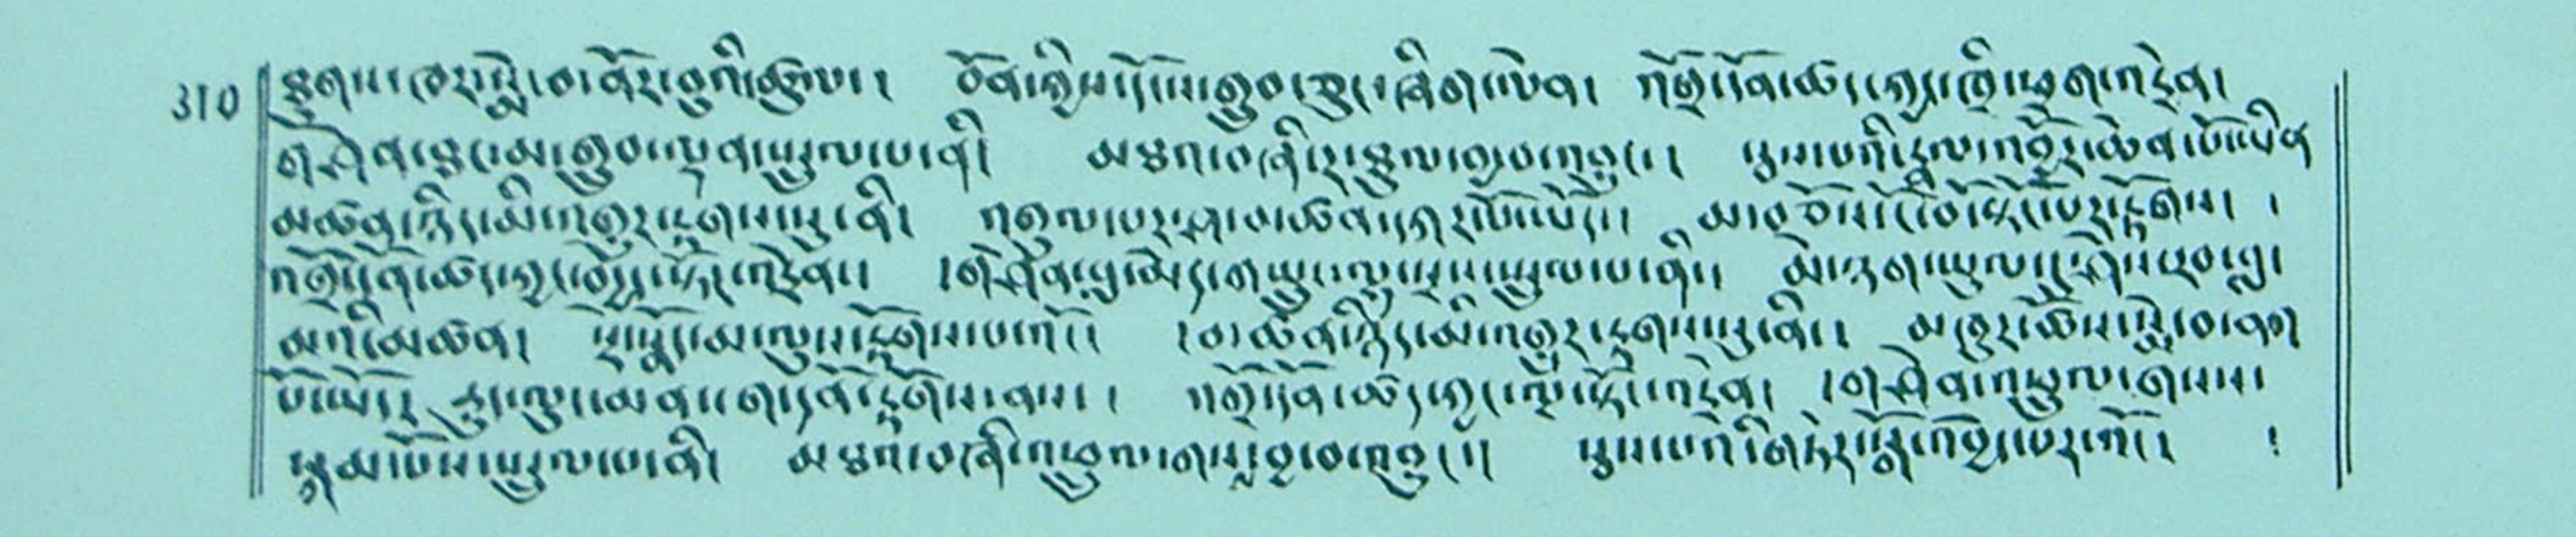ཐུགས་ཀར་སྨེ་བ་ནོར་བུའི་ཚུལ། བོན་གྱི་དངོས་གྲུབ་ཅུང་ཞིག་ལེན། འགྲོ་དོན་ཚད་ཀྱང་ཁྲི་ཕྲག་འདྲེན། 
གཤེན་ཐང་མ་གྲུབ་ལྡན་སྤྲུལ་པ་ནི། མཐའ་བཞི་ར་ཐུལ་བྱ་བ་འབྱུང་། སྦས་པའི་རྣལ་འབྱོར་ཆེན་པོ་ནི།
 མཚན་ཉིད་མི་འགྱུར་རྟགས་སུ་ནི། མགུལ་བར་ཤ་མཚན་དཀར་པོ་ཡོད། མ་བཅོས་ངོ་བོ་སྟོང་བར་རྟོགས།
 འགྲོ་དོན་ཚད་ཀྱང་བརྒྱད་སྟོང་འདྲེན། གཤེན་བླ་མེད་གཡུང་དྲུང་ལྷ་སྲས་སྤྲུལ་པ་ནི། མེ་ཉག་ཡུལ་དུ་ཤེས་རབ་བླ་
མའི་མཚན། སྡེ་སྣོད་མ་ལུས་རྟོགས་པ་འོང་། མཚན་ཉིད་མི་འགྱུར་རྟགས་སུ་ནི། མཁུར་ཚོས་སྨེ་བ་ནག་
པོ་ཡོད། རྒྱུད་ལུང་མན་ངག་དོན་རྟོགས་ནས། འགྲོ་དོན་ཚད་ཀྱང་ལྔ་སྟོང་འདྲེན། གཤེན་འཕྲུལ་གསས་
སྒམ་པོས་སྤྲུལ་པ་ནི། མཐའ་བཞི་འཕྲུལ་གསས་བྱ་བ་འབྱུང་། སྦས་པའི་གཏེར་སྒོ་འབྱེད་པར་འོང་།